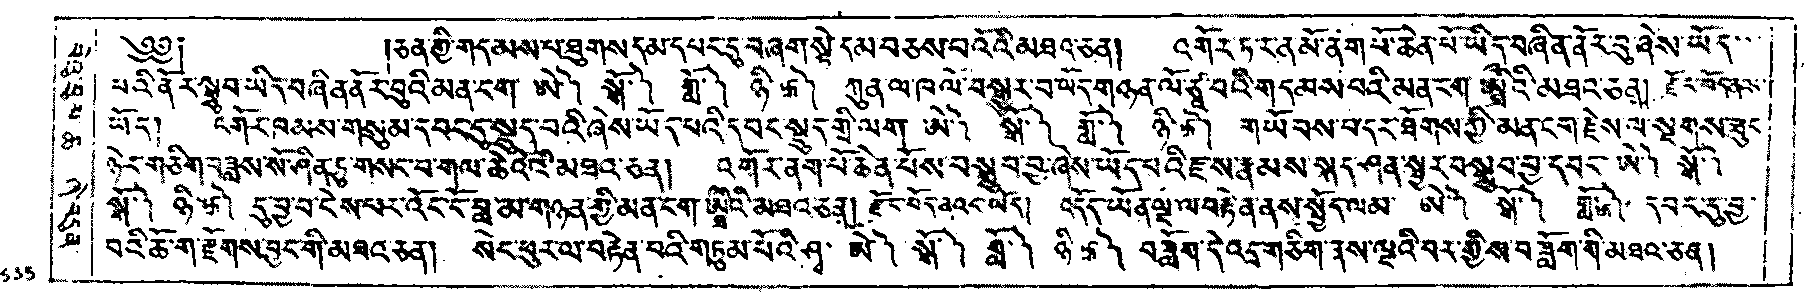༄༅། །ཅན་གྱི་གདམས་པ་ཐུགས་དམ་དཔང་དུ་བཞག་སྟེ་དམ་བཅས་པའོའི་མཐའ་ཅན། འགོར་ཏ་ར་ན་མོ་ནག་པོ་ཆེན་པོ་ཡིད་བཞིན་ནོར་བུ་ཞེས་ཡོད་
པའི་ནོར་སྒྲུབ་ཡིད་བཞིན་ནོར་བུའི་མན་ངག་ཨ྄ེ་སྒ྄ོ་གླ྄ོ་ཉི~྾?་ཀུན་ལ་ཁ་ལོ་བསྒྱུར་བ་ཡོད་གཉན་ལོ་ཙཱ་བའི་གདམས་པའི་མན་ངག་ཨྀཐིའི་མཐའ་ཅན། རྫོང་པོད་ནའང
ཡོད། འགོར་ཁམས་གསུམ་དབང་དུ་སྡུད་པའི་ཞེས་ཡོད་པའི་དབང་སྡུད་གྲི་ལག་ཨ྄ེ་སྒ྄ོ་གླ྄ོ་ཉི~྾?་གཡོབས་པ་དར་ཐོགས་ཀྱི་མན་ངག་རྗེས་ལ་སྔགས་ཐུང་
ཉེར་གཅིག་བཟླས་སོ་ཤིན་ཏུ་གསང་བ་གལ་ཆེའོའི་མཐའ་ཅན། འགོར་ནག་པོ་ཆེན་པོས་བསྒྲུབ་བྱ་ཞེས་ཡོད་པའི་རྫས་རྣམས་སྐད་ཤན་སྦྱར་བསྒྲུབ་བྱ་དབང་ཨ྄ེ་སྒ྄ོ
སྒ྄ོ་ཉི~྾?་དུ་བྱ་བ་ངེས་པར་འོང་ངོ་བླ་མ་གཉན་གྱི་མན་ངག་ཨྀཐིའི་མཐའ་ཅན། རྫོང་པོད་ནའང་ཡོད།  འདོད་ཡོན་ལྔ་ལ་བརྟེན་ནས་སྤྱོད་ལམ་ཨ྄ེ་སྒ྄ོ་གློ~྾?་དབང་དུ་བྱ་
བའི་ཆོ་ག་རྫོགས་བྱང་གི་མཐའ་ཅན། སེང་ཕུར་ལ་བརྟེན་པའི་གཏུམ་པོའི་ཤྭ་ཨ྄ེ་སྒ྄ོ་གླ྄ོ་ཉི~྾?་བཟློག་དེ་འདྲ་གཅིག་ནས་ལྔའི་བར་གྱིས་བཟློག་གི་མཐའ་ཅན།